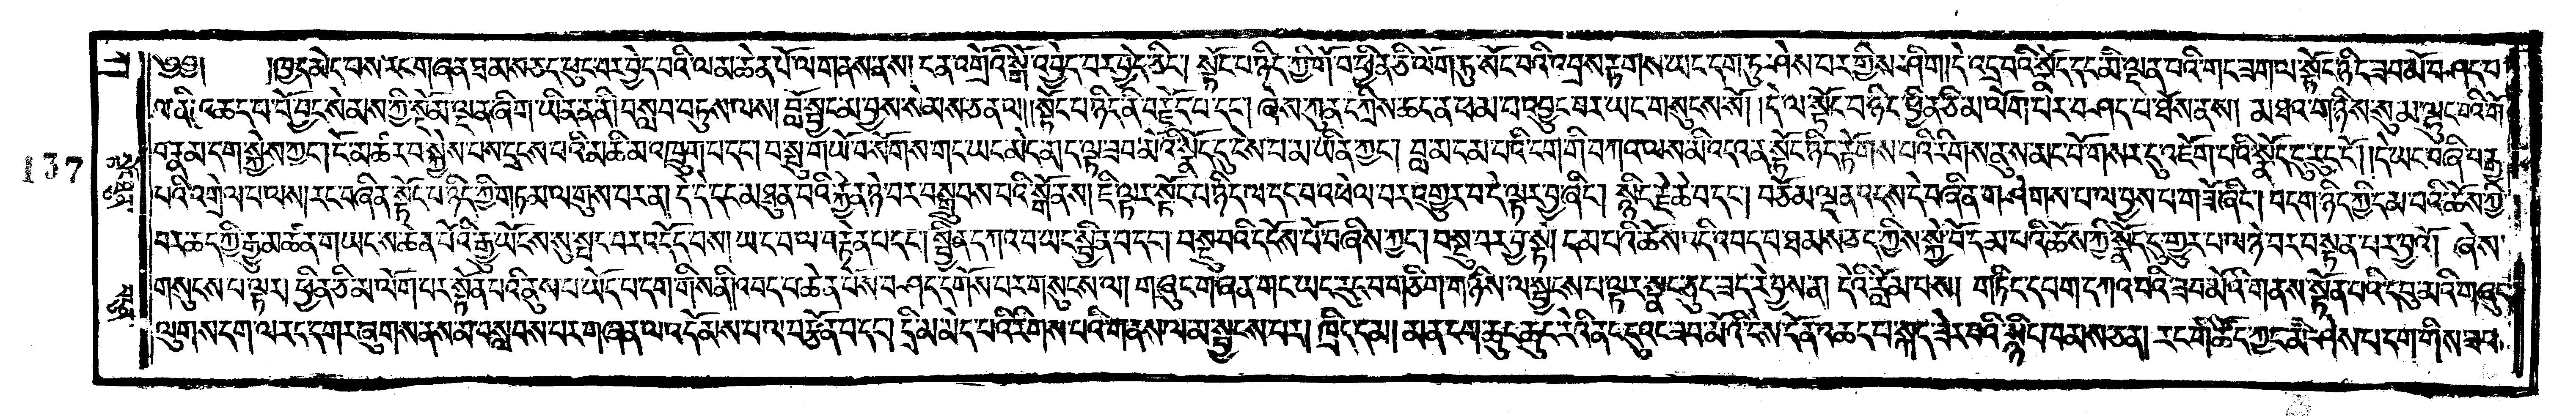༄༅། །ཁྱད་མེད་པས་རང་གཞན་ཐམས་ཅད་ཕུང་བར་བྱེད་བའི་ལམ་ཆེན་པོ་ལ་གནས་ནས། ངན་འགྲོའི་སྒོ་འབྱེད་པར་བྱད་ཅིང་། སྟོང་པ་ཉིད་ཀྱི་གོ་བ་ཕྱིན་ཅི་ལོག་ཏུ་སོང་བའི་འབྲས་རྟགས་ཡང་དག་ཏུ་ཤེས་བར་གྱིས་ཤིག། དེ་འདྲ་བའི་སྣོད་དང་མི་ལྡན་པའི་གང་ཟག་ལ་སྟོང་ཉིད་ཟབ་མོ་བཤད་པ་
ལ་ནི༑ འཆད་པ་བོ་བྱང་སེམས་ཀྱི་སྡོམ་ལྡན་ཞིག་ཡིན་ན་ནི། བསླབ་བཏུས་ལས། བློ་སྦྱང་མ་བྱས་སེམས་ཅན་ལ། །སྟོང་པ་ཉིད་ནི་བརྗོད་པ་དང་། ཞེས་ཀུན་དཀྲིས་ཆད་ན་ཕམ་པ་འབྱུང་བར་ཡང་གསུངས་སོ། །དེ་ལ་སྟོང་བ་ཉིད་ཕྱིན་ཙི་མ་ལོག་པར་བཤད་པ་ཐོས་ནས། མཐའ་གཉིས་སུ་མ་ལྷུང་བའི་གོ་
བ་རྣམ་དག་སྐྱེས་ཀྱང་། ངོ་མཚར་བ་སྐྱེས་པས་དྲངས་པའི་མཆི་མ་འཁྲུག་པ་དང་། བ་སྤུ་གཡོ་བ་སོགས་གང་ཡང་མེད་ན། ད་ལྟ་ཟབ་མོའི་སྣོད་དུ་ངེས་བ་མ་ཡིན་ཀྱང་། བླ་མ་དམ་བའི་ངག་གི་བཀའ་ལས་མི་འདའ་ན་སྟོང་ཉིད་རྟོགས་པའི་རིགས་ནུས་མང་པོ་གསར་དུ་འཇོག་པའི་སྣོད་དུ་རུང་ངོ། །དེ་ཡང་བཞི་བརྒྱ་
པའི་འགྲེལ་པ་ལས། རང་བཞིན་སྟོང་པ་ཉིད་ཀྱི་གཏམ་ལ་གུས་བར་ན། དེ་དེ་དང་མཐུན་བའི་རྐྱེན་ཉེ་བར་བསྒྲུབས་པའི་སྒོ་ནས། ཇི་ལྟར་སྟོང་པ་ཉིད་ལ་དང་བ་འཕེལ་བར་འགྱུར་བ་དེ་ལྟར་བྱ་ཞིང་། སྙིང་རྗེ་ཆེ་བ་དང་། བཅོམ་ལྡན་འདས་དེ་བཞིན་གཤེགས་པ་ལ་བྱས་པ་གཟོ་ཞིང་། བདག་ཉིད་ཀྱི་དམ་བའི་ཆོས་ཀྱི་
བར་ཆད་ཀྱི་རྒྱུ་མཚན་གཡང་ས་ཆེན་པོའི་རྒྱུ་ཡོངས་སུ་སྦང་བར་འདོད་བས། ཡང་བ་ལ་བརྟེན་པ་དང་། སྦྱིན་དཀའ་བ་ཡང་སྦྱིན་པ་དང་། བསྡུ་བའི་དངོས་པོ་བཞིས་ཀྱང་། བསྡུ་བར་བྱ་སྟེ། དམ་པའི་ཆོས་འདི་འབད་པ་ཐམས་ཅད་ཀྱིས་སྐྱེ་བོ་དམ་པའི་ཆོས་ཀྱི་སྣོད་དུ་གྱུར་པ་ལ་ཉེ་བར་བསྟན་པར་བྱའོ། ཞེས་
གསུངས་པ་ལྟར། ཕྱིན་ཅི་མ་ལོག་པར་སྟོན་པའི་ནུས་པ་ཡོད་པ་དག་གིས་ནི། འབད་པ་ཆེན་པོས་བཤད་དགོས་པར་གསུངས་ལ། གཞུང་གཞན་གང་ཡང་རུང་བ་གཅིག་གཉིས་ལ་སྦྱངས་པ་ལྟར་སྣང་ཅུང་ཟད་རེ་བྱས་ན། དེའི་རློམ་བས། གཏིང་དབག་དཀའ་བའི་ཟབ་མོའི་གནས་སྟོན་བའི་དབུ་མའི་གཞུང་?
ལུགས་དག་ལ་རང་དགར་ཞུགས་ནས་མ་བསླབས་པར་གཞན་ལ་འདོམས་པ་ལ་བརྩོན་བ་དང་། དྲི་མ་མེད་པའི་རིགས་པའི་གནས་ལམ་སྦྱངས་པར། ཁྲིད་དམ། མན་ངག་ཆུང་ཆུང་རེའི་ནང་དུའང་ཟབ་མོའི་ངེས་དོན་འཆད་པ་སྐད་ཟེར་བའི་སྙིང་ཁམས་ཅན། རང་གི་ཚོད་ཀྱང་མི་ཤེས་པ་དག་གིས་ཟབ།།